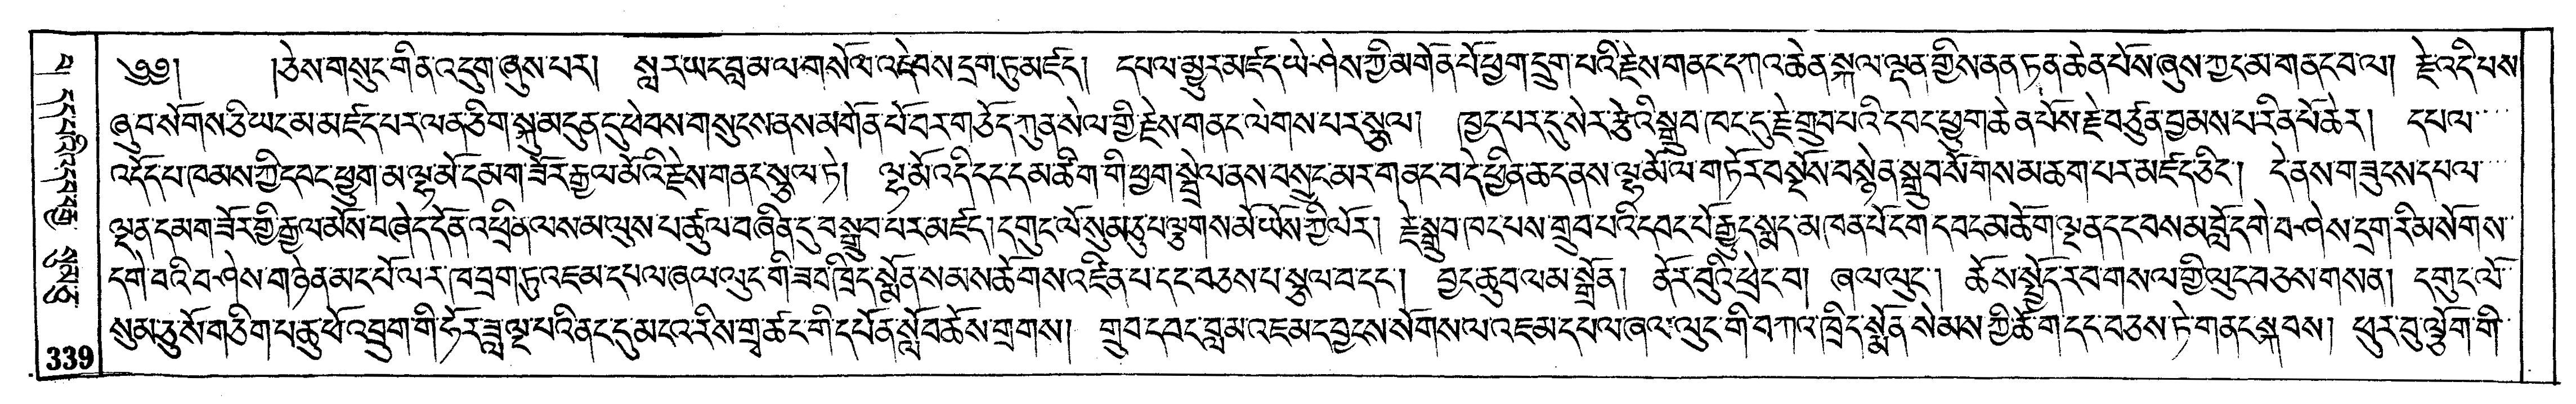༄༅། །ཅེས་གསུང་གིན་འདུག་ཞུས་པར། སླར་ཡང་བླ་མ་ལ་གསོལ་འདེབས་དྲག་ཏུ་མཛད། དཔལ་མྱུར་མཇད་ཡེ་ཤེས་ཀྱི་མགོན་པོ་ཕྱག་དྲུག་པའི་རྗེས་གནང་དཀའ་ཆེན་སྐལ་ལྡན་གྱིས་ནན་ཏན་ཆེན་པོས་ཞུས་ཀྱང་མ་གནང་བ་ལ། རྗེ་འདི་བས་
ཞུ་བ་སོགས་ཅི་ཡང་མ་མཛད་པར་ལན་ཅིག་སྐུ་མདུན་དུ་ཕེབས་གསུངས་ནས་མགོན་པོ་བར་གཅོད་ཀུན་སེལ་གྱི་རྗེས་གནང་ལེགས་པར་སྩལ། ཁྱད་བར་དུ་སེར་རྩེའི་སྒྲུབ་ཁང་དུ་རྗེ་གྲུབ་པའི་དབང་ཕྱུག་ཆེན་པོས་རྗེ་བཙུན་བྱམས་པ་རིན་པོ་ཆེར། དཔལ་
འདོད་པ་ཁམས་ཀྱི་དབང་ཕྱུག་མ་ལྷ་མོ་དམག་ཟོར་རྒྱལ་མོའི་རྗེས་གནང་སྩལ་ཏེ། ལྷ་མོ་འདི་དང་དམ་ཆིག་གི་ཕྱག་སྦྲེལ་ནས་བསྲུང་མར་གནང་བ་དེ་ཕྱིན་ཆད་ནས་ལྷ་མོ་ལ་གཏོར་བསྔོས་བསྙེན་སྒྲུབ་སོགས་མ་ཆག་པར་མཛད་ཅིང་། དེ་ནས་གཟུངས་དཔལ་
ལྡན་དམག་ཟོར་གྱི་རྒྱལ་མོས་བཞེད་དོན་འཕྲིན་ལས་མ་ལུས་པ་ཚུལ་བཞིན་དུ་བསྒྲུབ་བར་མཛད། དགུང་ལོ་སུམ་ཅུ་པ་ལྕགས་མོ་ཡོས་ཀྱི་ལོར། རྗེ་སྒྲུབ་ཁང་པས་གྲུབ་པའི་དབང་པོ་རྒྱུད་སྨད་མཁན་པོ་ངག་དབང་མཆོག་ལྡན་དང་བསམ་བློ་དགེ་བཤེས་དྲག་རིམ་སོགས་
དགེ་བའི་བཤེས་གཉེན་མང་པོ་ལ་ར་ཁ་བྲག་ཏུ་འཇམ་དཔལ་ཞལ་ལུང་གི་ཟབ་ཁྲིད་སྨོན་སེམས་ཆོ་གས་འཛིན་པ་དང་བཅས་པ་སྩལ་བ་དང་། བྱང་ཆུབ་ལམ་སྒྲོན། ནོར་བུའི་ཕྲེང་བ། ཞལ་ལུང་། ཆོས་སྤྱོད་རབ་གསལ་གྱི་ལུང་བཅས་གསན། དགུང་ལོ་
སུམ་ཅུ་སོ་གཅིག་པ་ཆུ་ཕོ་འབྲུག་གི་ཧོར་ཟླ་ལྔ་པའི་ནང་དུ་མངའ་རིས་གྲྭ་ཚང་གི་དཔོན་སློབ་ཆོས་གྲགས། གྲུབ་དབང་བླ་མ་འཇམ་དབྱངས་སོགས་ལ་འཇམ་དཔལ་ཞལ་ལུང་གི་བཀའ་ཁྲིད་སྨོན་སེམས་ཀྱི་ཆོག་དང་བཅས་ཏེ་གནང་སྐབས། ཕུར་བུ་ལྕོག་གི་